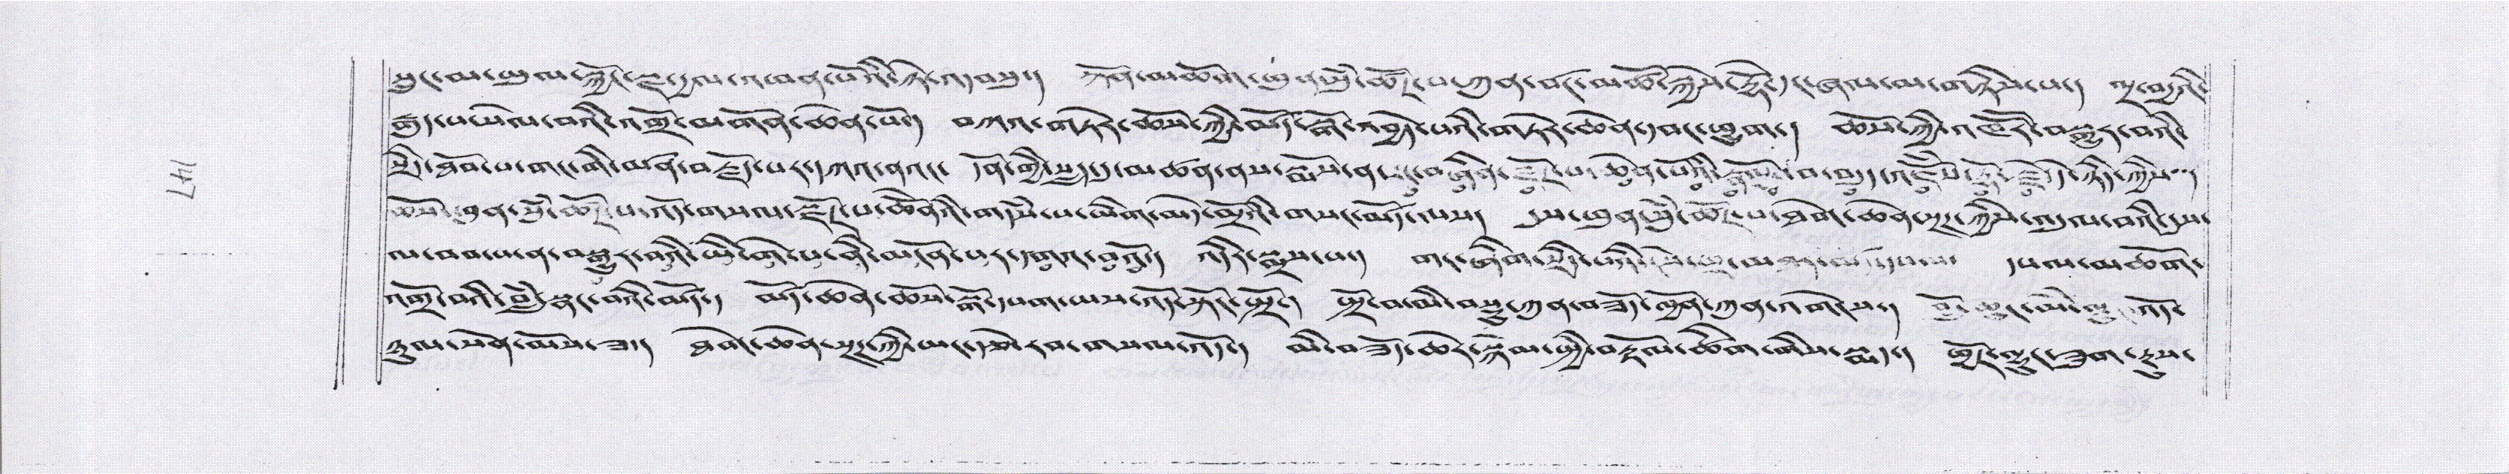སྲུང་མ་ཡུལ་སྐྱོང་རྫ་རྒྱལ་འཕན་པོའི་ཉེ་འདབས་སུ། སྟོན་མཆོག་ཕུན་སུམ་ཚོགས་པ་ཀུན་བཟང་འཚོ་སྐྱེས་རྡོ་རྗེ་དང་ཞལ་མི་གཉིས་པ། ལྔ་བརྒྱའི་
རྒུད་པ་སེལ་བའི་འགྲོ་མགོན་ཆེན་པོ། བཀའ་གཏེར་ཆོས་ཀྱི་མཛོད་སྒོ་འབྱེད་པའི་གཏེར་ཆེན་དབང་ཕྱུག ཆོས་ཀྱི་འཁོར་ལོ་བསྒྱུར་བའི་
སྲིད་ཐོབ་པ་གང་གི་མཚན་བརྗོད་པར་དཀའ་ནའང་། དོན་གྱི་སླད་དུ་མཚན་ནས་སྨོས་ན་རང་བཞིན་རྫོགས་པ་ཆེན་པོའི་རྣལ་འབྱོར་པ་བདུད་འཇོམས་རྡོ་རྗེ་དེ་ཉིད་ཀྱིས། 
ཆོས་ཕུན་སུམ་ཚོགས་པ་འོད་གསལ་རྫོགས་པ་ཆེན་པོའི་གདམས་པ་ཡིག་མེད་མཁའ་འགྲོའི་གསང་མཛོད་ལས། དུས་ཕུན་སུམ་ཚོགས་པ་ཐེག་ཆེན་སྔགས་ཀྱིས་འདུལ་བའི་དུས་
ལ་བབ་པ་ན་བསྒྱུར་བའི་ཡི་གེ་པ་ནི་མངོན་པར་དགའ་བའོ། །འདིར་སྨྲས་པ། གང་ཞིག་སྲིད་པའི་ངེས་ཕྲ་མཐར་མཛད་དཔལ། །དཔལ་མཆོག་
འགྲོ་བའི་བླ་མ་སྣང་བའི་མཛོད། །མཛོད་ཆེན་ཆོས་སྒོ་དཔག་ཡས་འོད་སྟོང་སྤྲོ། །སྤྲོ་བ་མི་བསྡུ་ཀུན་བཟོད་ཆོས་ཀུན་འགེངས། །བློ་ཆུང་མི་ལྟུང་འོད་
ཉུལ་སེན་མོས་ཟད། །ཐེག་ཆེན་སྔགས་ཀྱི་ཡང་རྩེ་རབ་གསལ་འོད། །མི་བཟོད་ཆེར་སྙེམ་སྤྱི་རྟོལ་ཚིག་གིས་སྨད། །ཕྱོགས་ལྷུང་ཟུག་རྔུས་